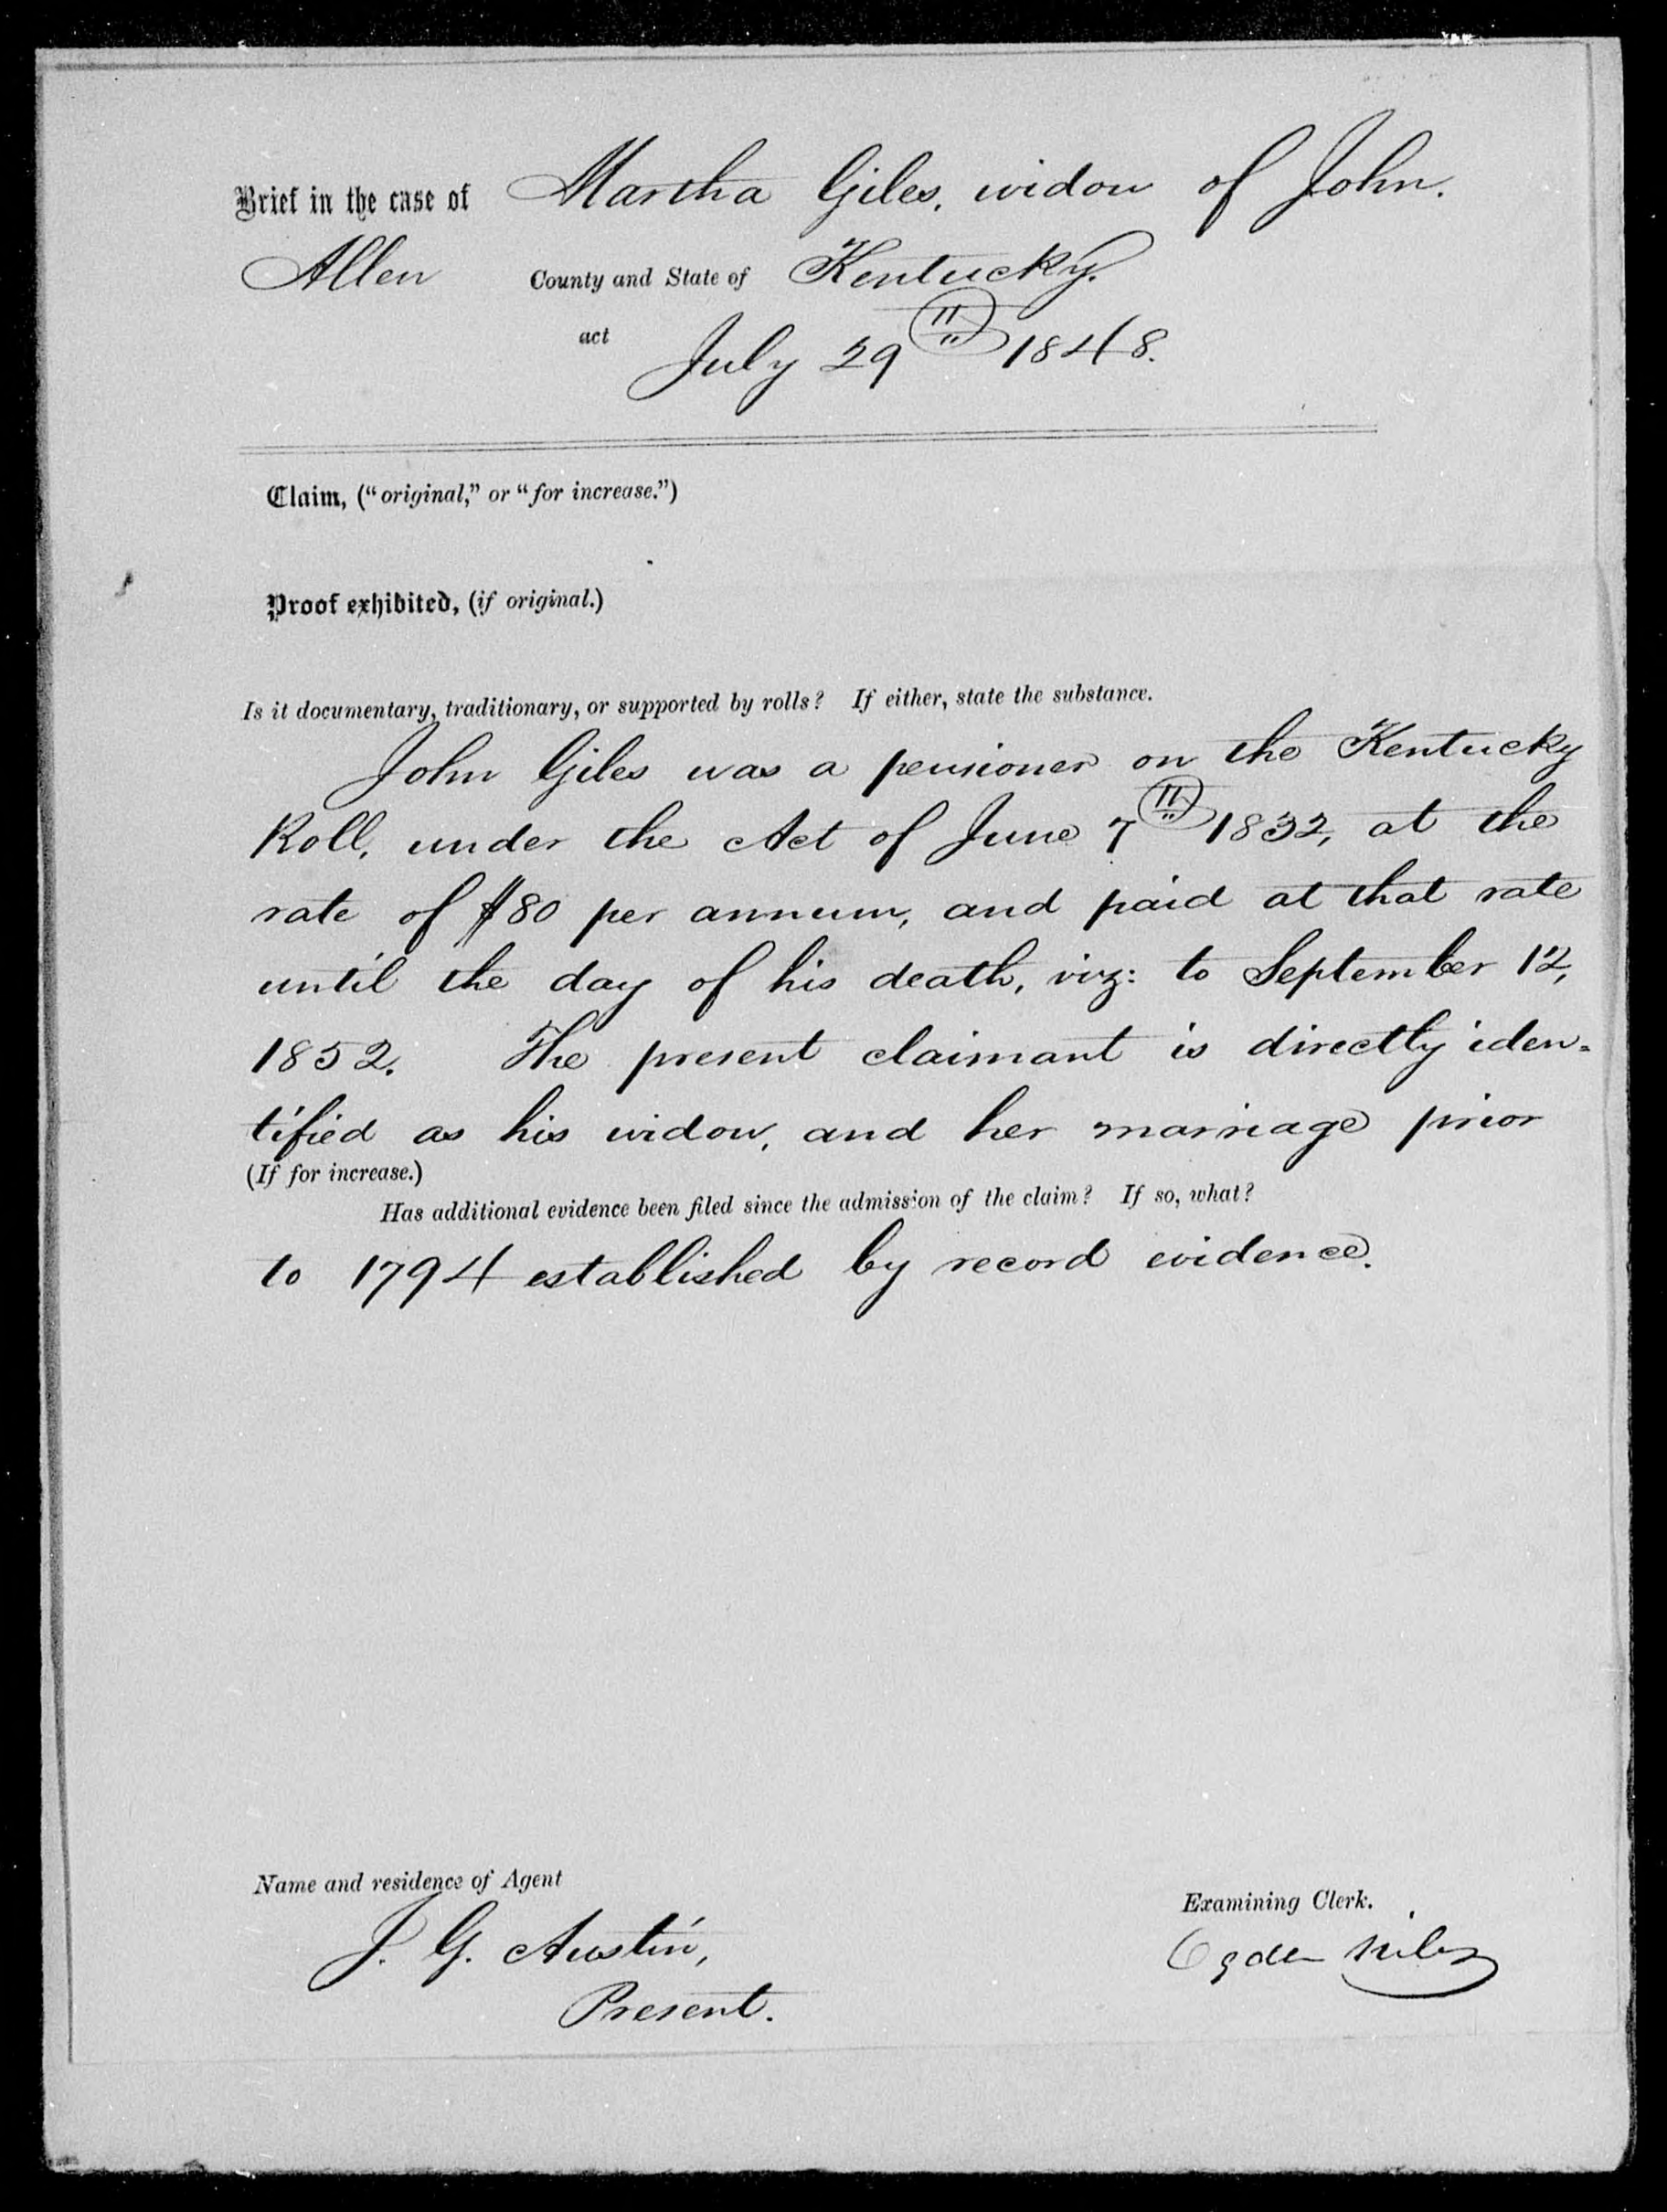Brief in the case of Martha Giles, widow of John, 
Allen County and State of Kentucky.
Act July 29th 1848.
--------------------------------------
Claim, ("original," or "for increase".)
Proof exhibited, (if original.)

Is it documentary, traditionary' or supported by rolls? If either, state the substance.

John Giles was a pensioner on the Kentucky
Roll under the Act of June 7th 1832, at the
rate of $80 per annum, and paid at that rate
until the day of his death, viz: to September 12,
1852. The present claimant is directly identified as his widow, and her marriage prior
(If for increase.)
Has additional evidence been filed since the admission of the claim? If so, what?
to 1794 established by record evidence
Name and residence of Agent
J. G. Austin,
Present.
Examining Clerk.
Ogden Niles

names: John Giles, Martha Giles, John, J G Austin, Ogden Niles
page: 75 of 82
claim: widow's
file: W. 7,522, John Giles, N.C.